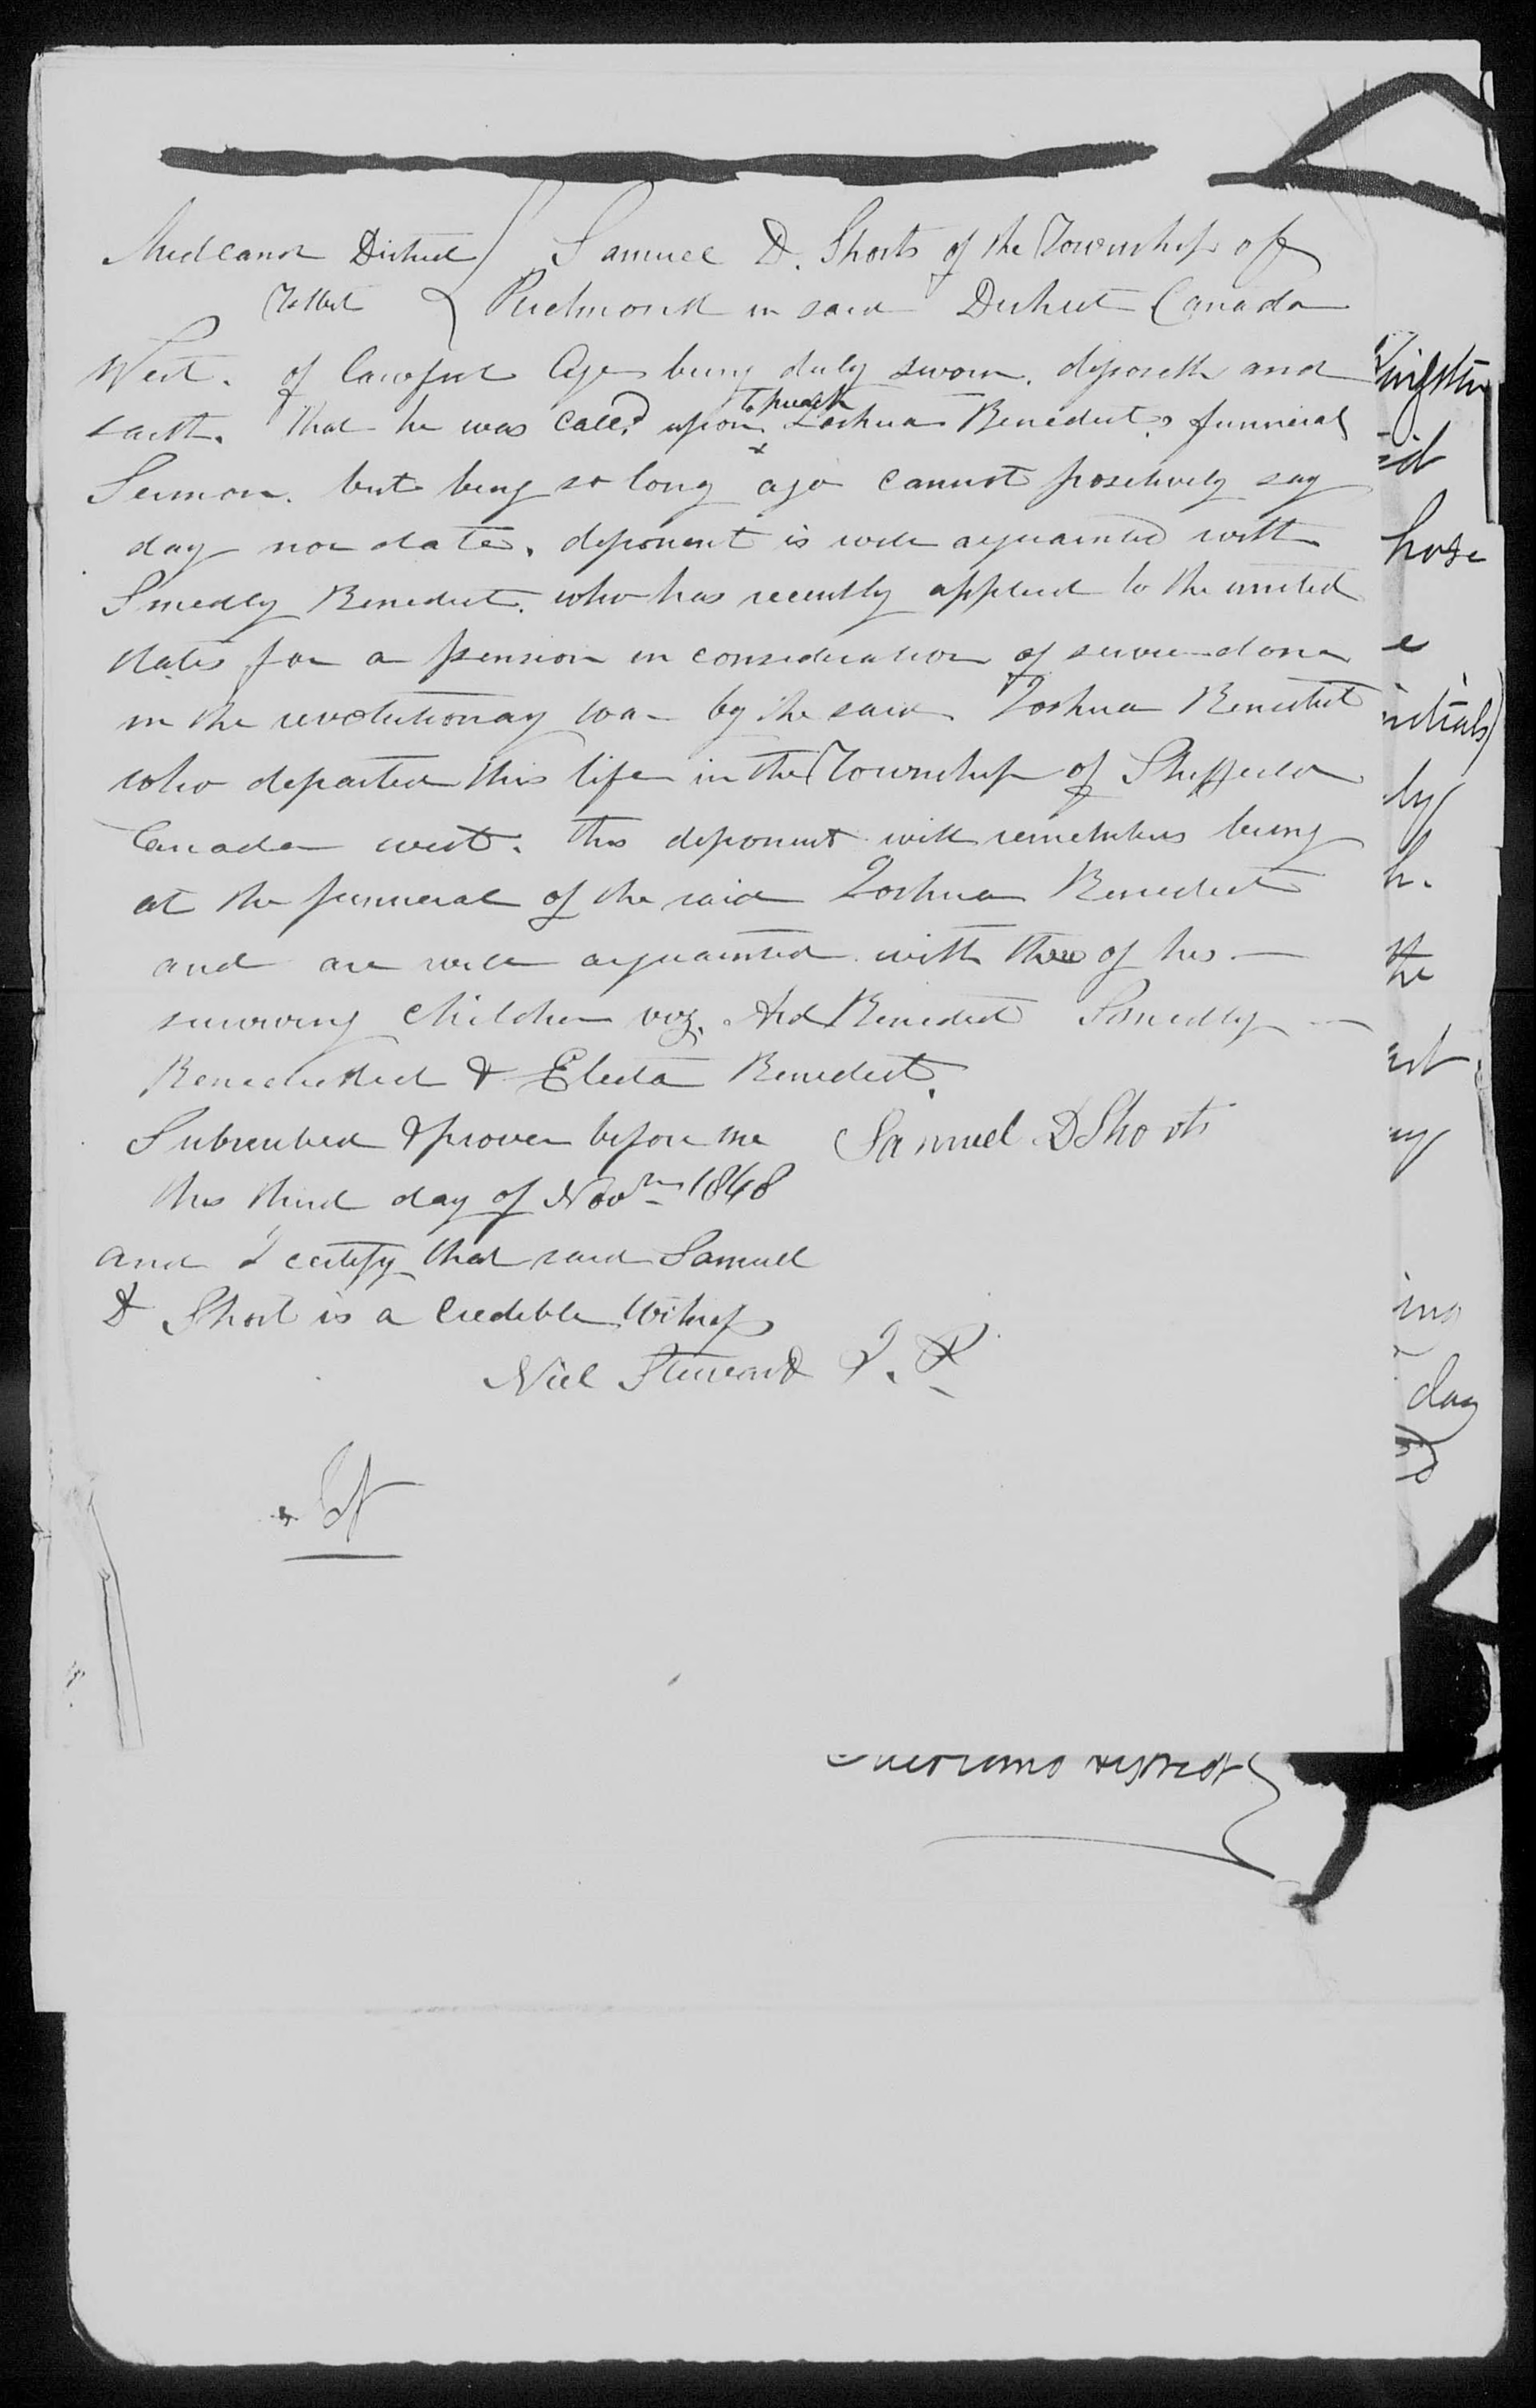Midland District
To Wit } Samuel D. Short of the Township of Richmond in said District Canada West, of lawful Age being duly sworn, deposeth and siath, that he was calld. upon to preach Joshua Benedict's funeral Sermon. but being so long ago cannot precisely say day nor date, deponent is well acquainted with Smedley Benedict, who has recently applied to the United State for a pension in consideration of service done in the revolutionary war by the said Joshua Benedict who departed this life in the Township of Sheffield Canada West. This deponent well remembers being at the funeral of the said Joshua Benedict and [illegible] well acquainted with three of his surviving children - viz. Ard Benedict Smedley Benedict & Electa Benedict.
Samuel D Short

Subscribed & proven before me the third day of Novr 1848 and I certify that said Samuel D Short is a credible Witness
Niel Stewart J. P.

[illegible]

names: Smedly Benedict, Joshua Benedict, Samuel D Short, Samuel D Short, Samuel D Short, Smedly Benedict, Niel Steward, Ard Benedict, Joshua Benedict, Joshua Benedict, Electa Benedict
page: 95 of 106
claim: survivor's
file: S 23,116., Joshua Benedict, Conn.